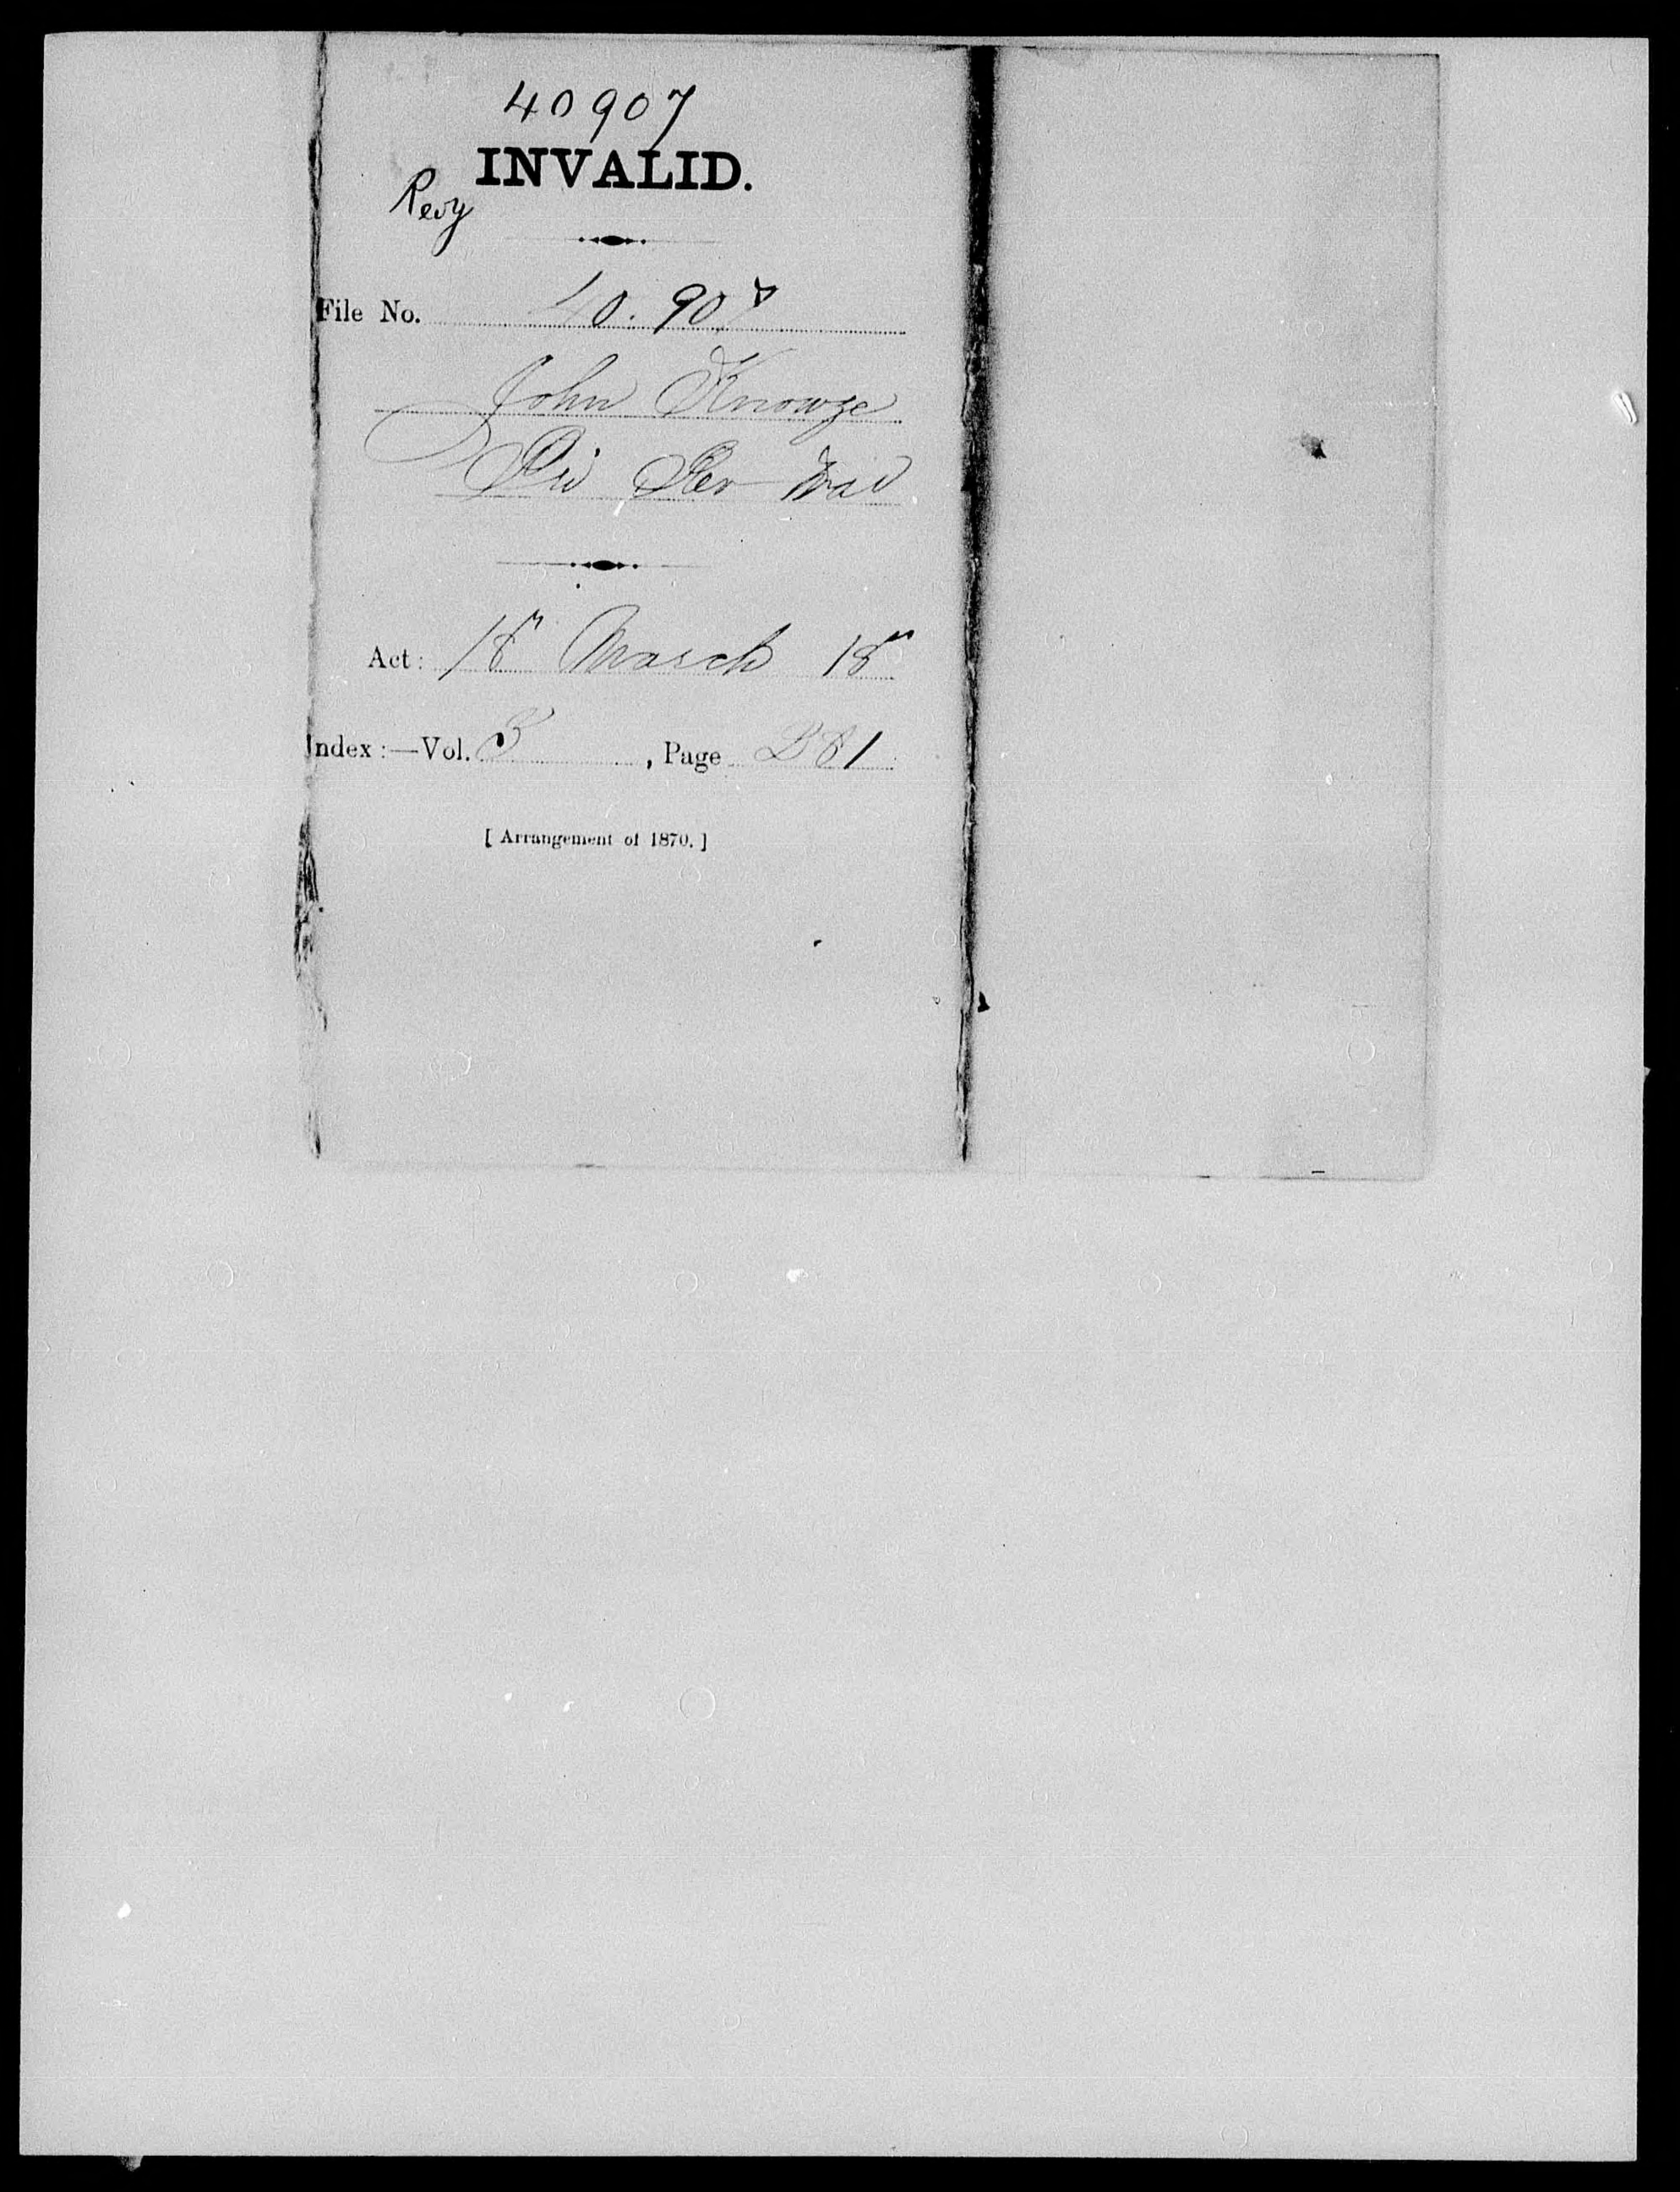40907

INVALID
Revy

File No  40,907
John Knowze
Priv - Rev War

Act:  18th March 18

Index:  Vol 3, Page 281

[Arrangement of 1870]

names: John Knowze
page: 4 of 12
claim: survivor's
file: S. 40,907, for John Knowze, Massachusetts